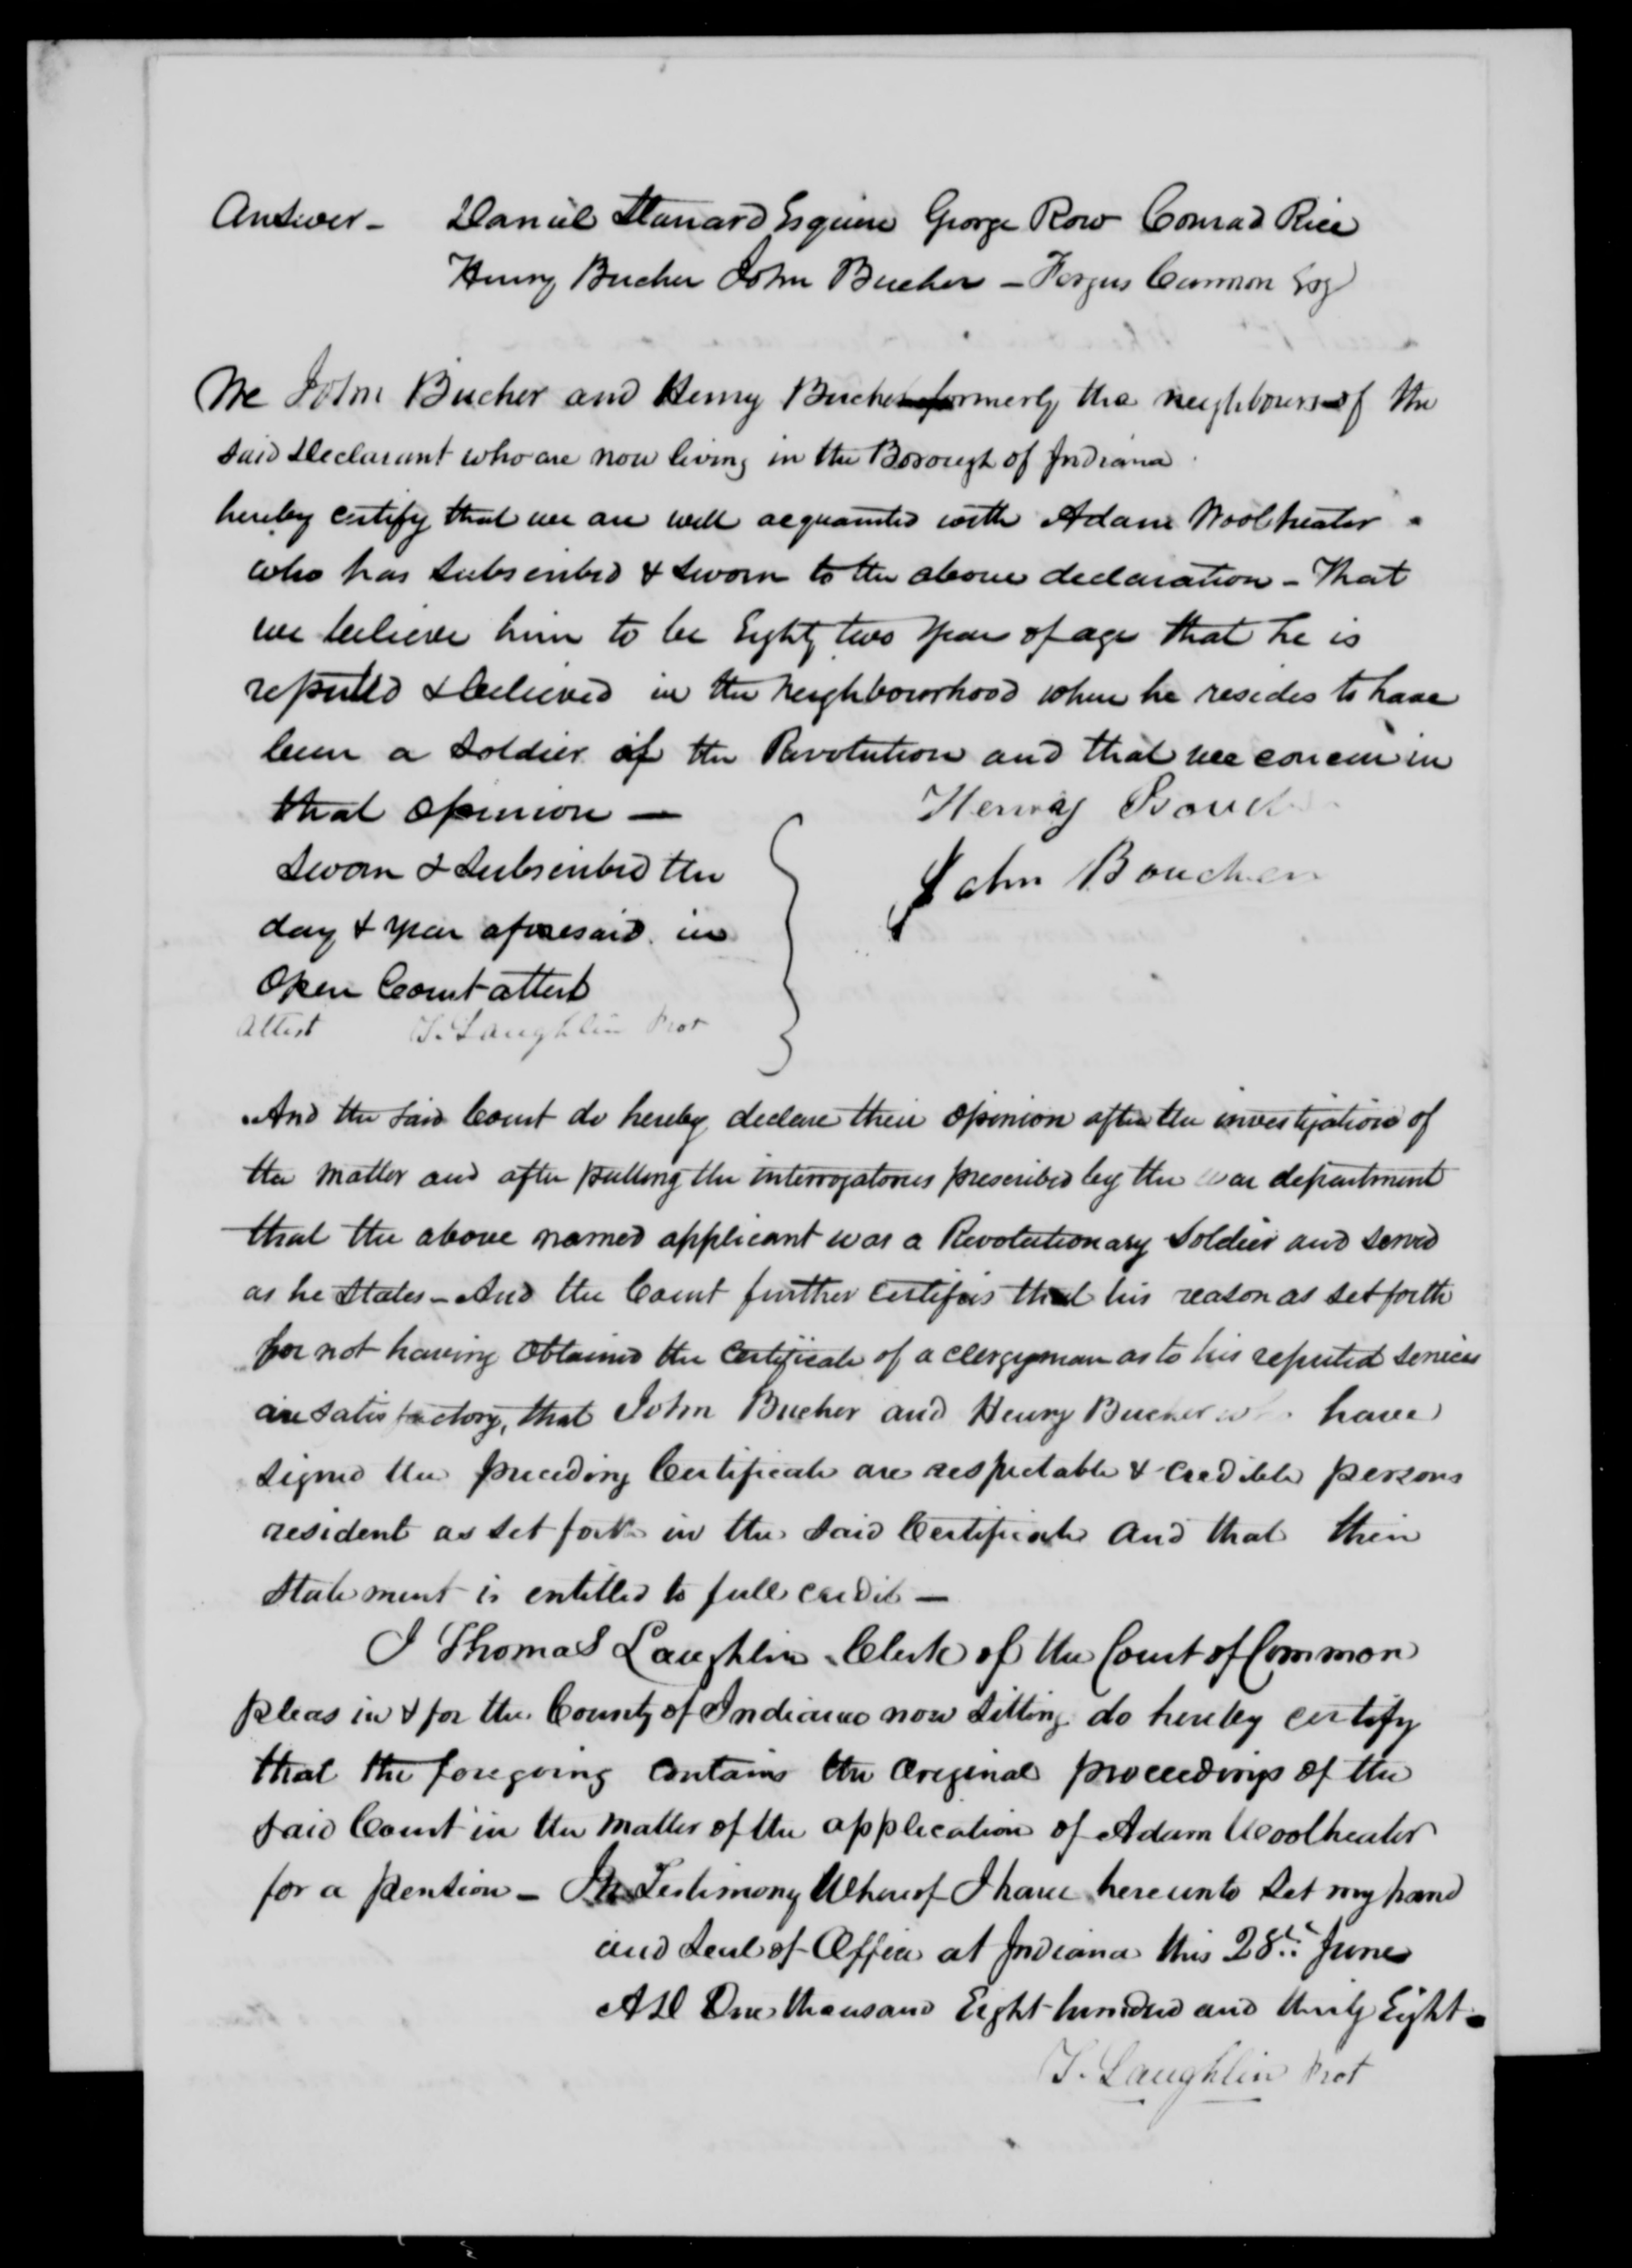Answer-
Daniel Stanard Esquire, George Row, Conrad Rice,
Henry Bucher, John Bucher - Fergus Cannon Esq

We John Bucher and Henry Bucher formerly the neighbours of the said Declarant who are now living in the Borough of Indiana hereby certify that we are well acquainted with Adam Woolheater, 
who has subscribed & sworn to the above declaration. That we believe him to be Eighty two years of age. That he is reputed & believed in the neighborhood where he resides to have been a soldier of the Revolution and that we concur in
that opinion-
Henry Boucher
John Boucher
Sworn & Subscribed the day & year aforesaid in
Open Court attest
Attest
T. Laughlin Prot

And the said Court do hereby declare their opinion after the investigation of the matter and after putting the interrogatories prescribed by the war department that the above named applicant was a Revolutionary Soldier and served as he states - And the Court further certifies that his reason as set forth for not having obtained the certificate of a Clergyman as to his reputed services are satisfactory, that John Bucher and Henry Bucher who have signed the preceding Certificate are respectable & credible persons, resident as set forth in the said Certificate and that their Statement is entitled to full credit-
I Thomas Laughlin Clerk of the Court of Common
Pleas in & for the County of Indiana now sitting do hereby certify that the foregoing contains the original proceedings of the said Court in the matter of the application of Adam Woolheater for a pension- In Testimony whereof I have hereunto set my hand and Seal of Office at Indiana this 28th June
AD One thousand Eight hundred and thirty Eight
T Laughlin Prot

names: Fergus Cannon, Conrad Rice, Thomas Laughlin, Adam Woolheater, George Row, Daniel Stanard, John Bucher, Henry Bucher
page: 5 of 18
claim: rejected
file: R. 11854, Adam Woolheater, Md.